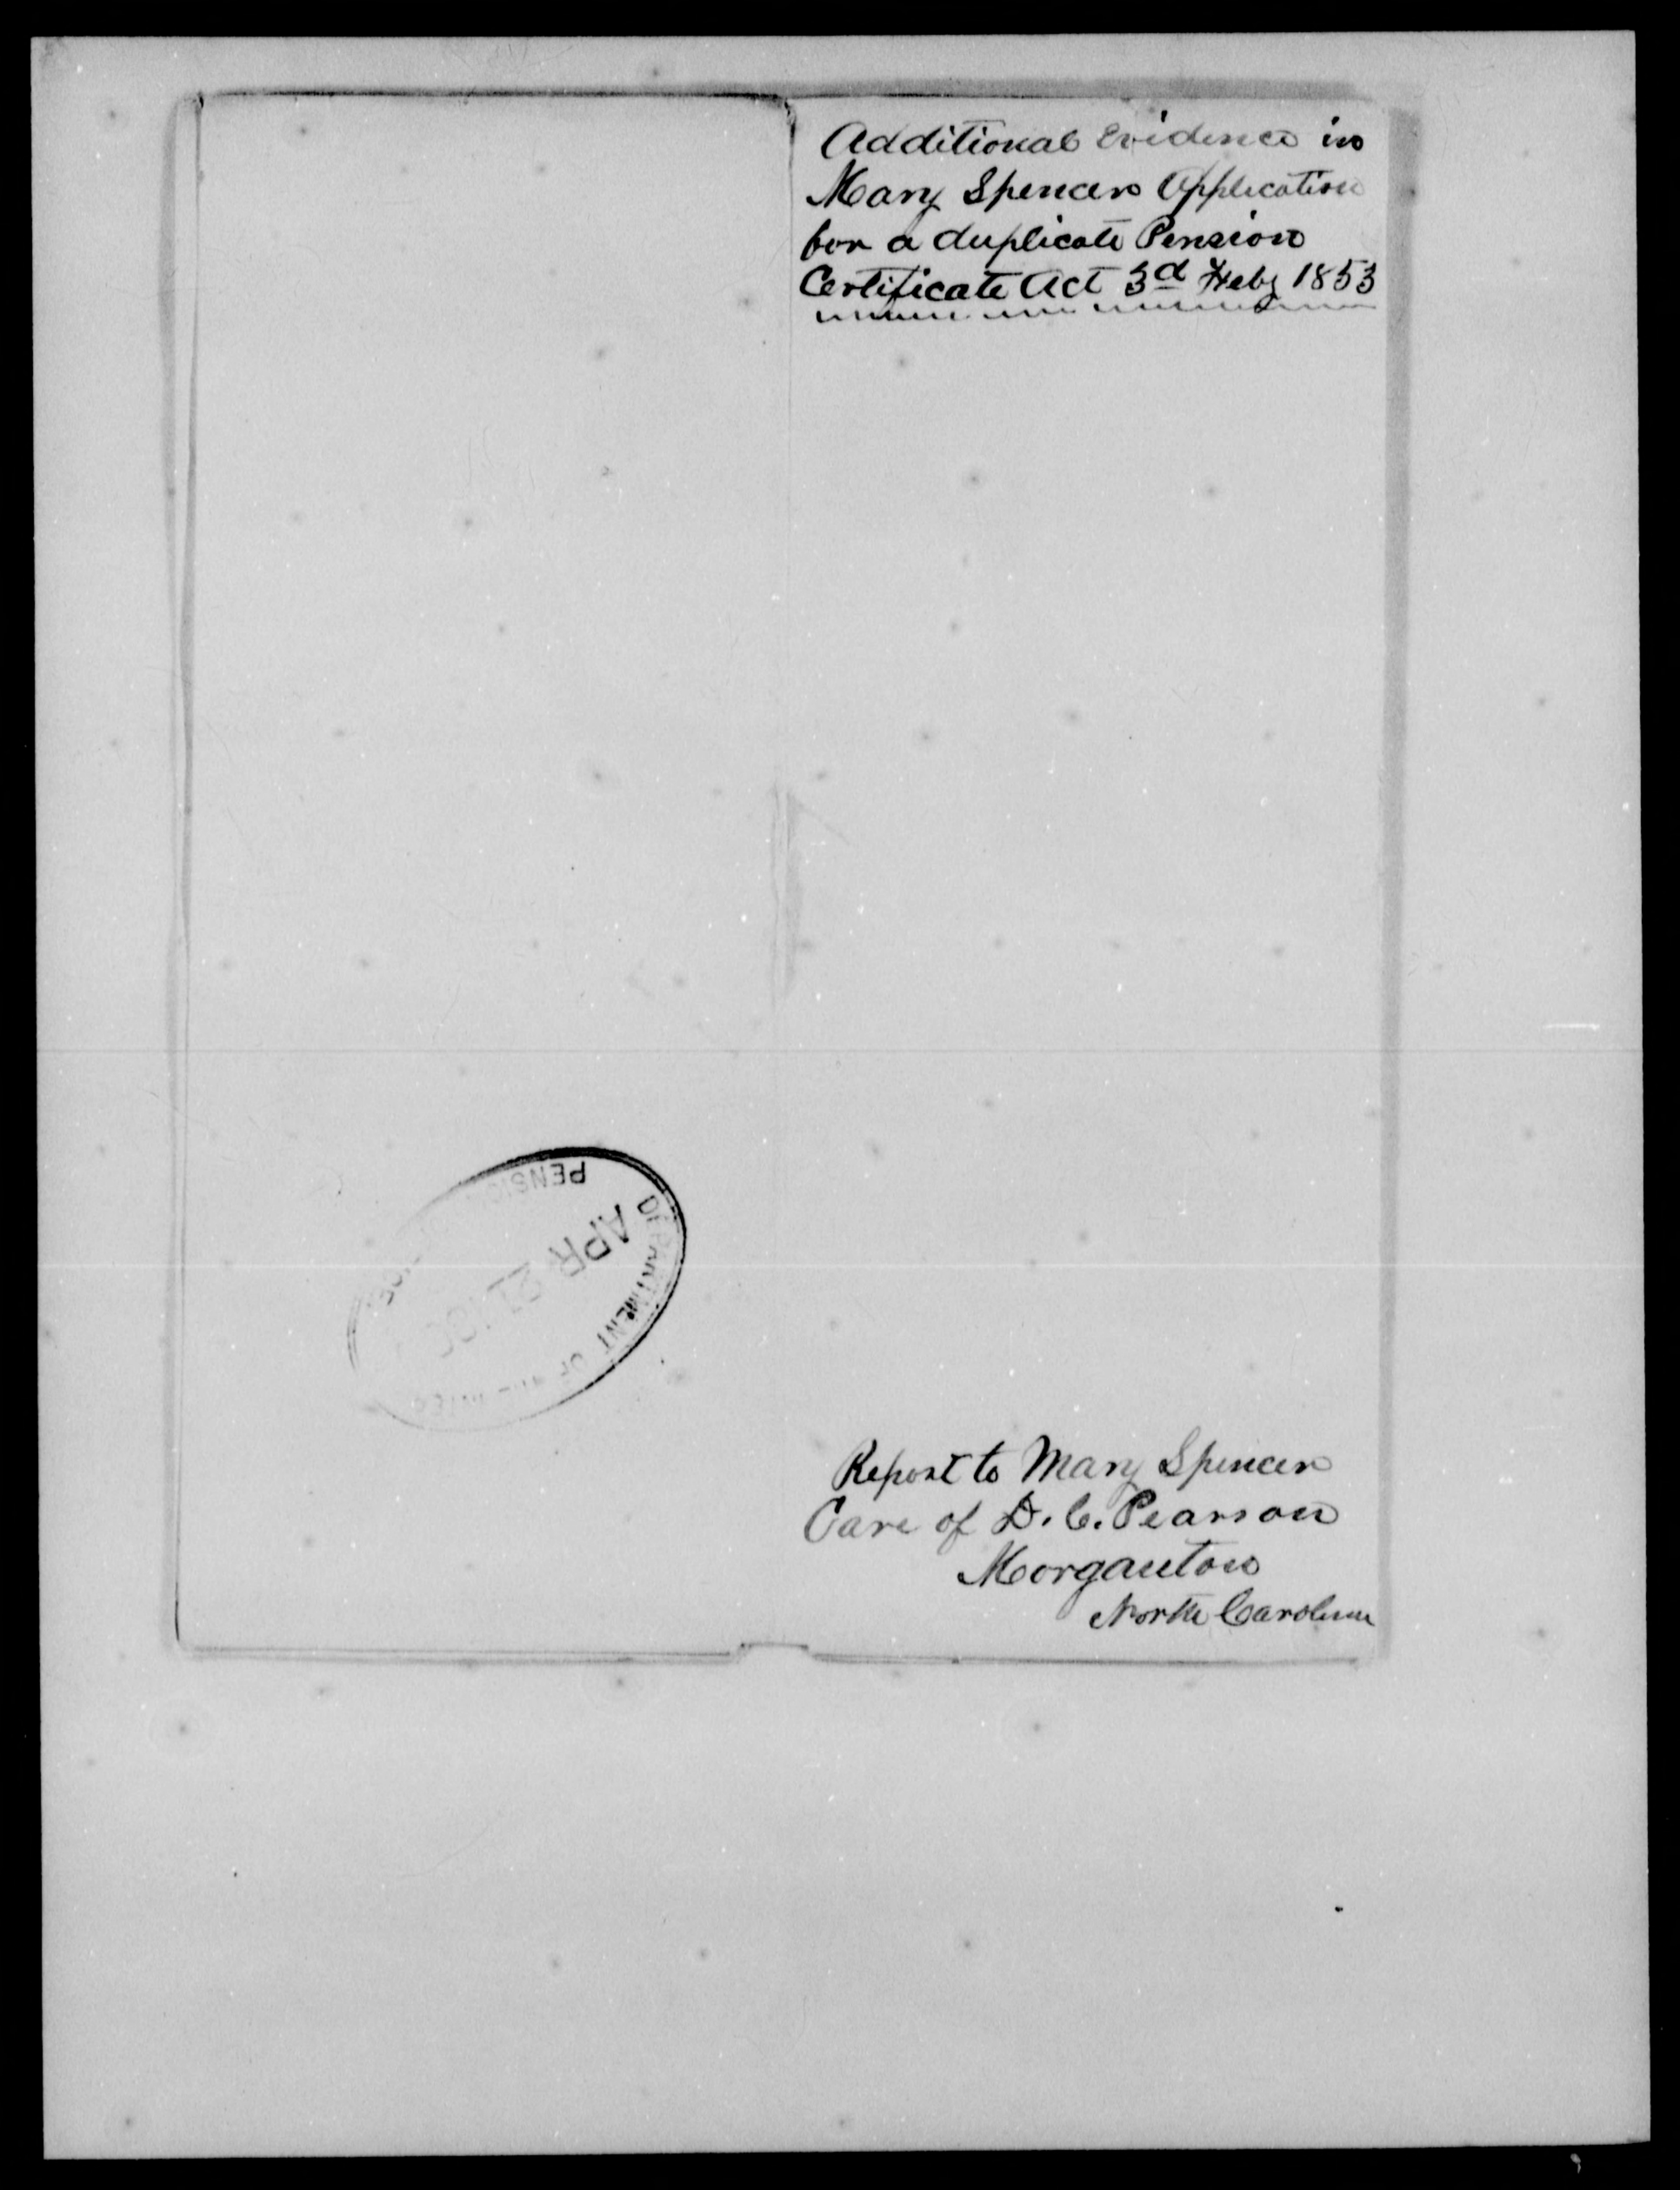Additional Evidence in
Mary Spencer application
for a duplicate Pension
Certificate Act 3d Feby 1853
[stamp generally illegible]
Report to Mary Spencer
Care of D. C. Pearson
Morganton
North Carolina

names: Mary Spencer; D C Pearson; Mary Spencer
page: 59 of 63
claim: widow's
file: W. 6158, for Benjamin Spencer, North Carolina